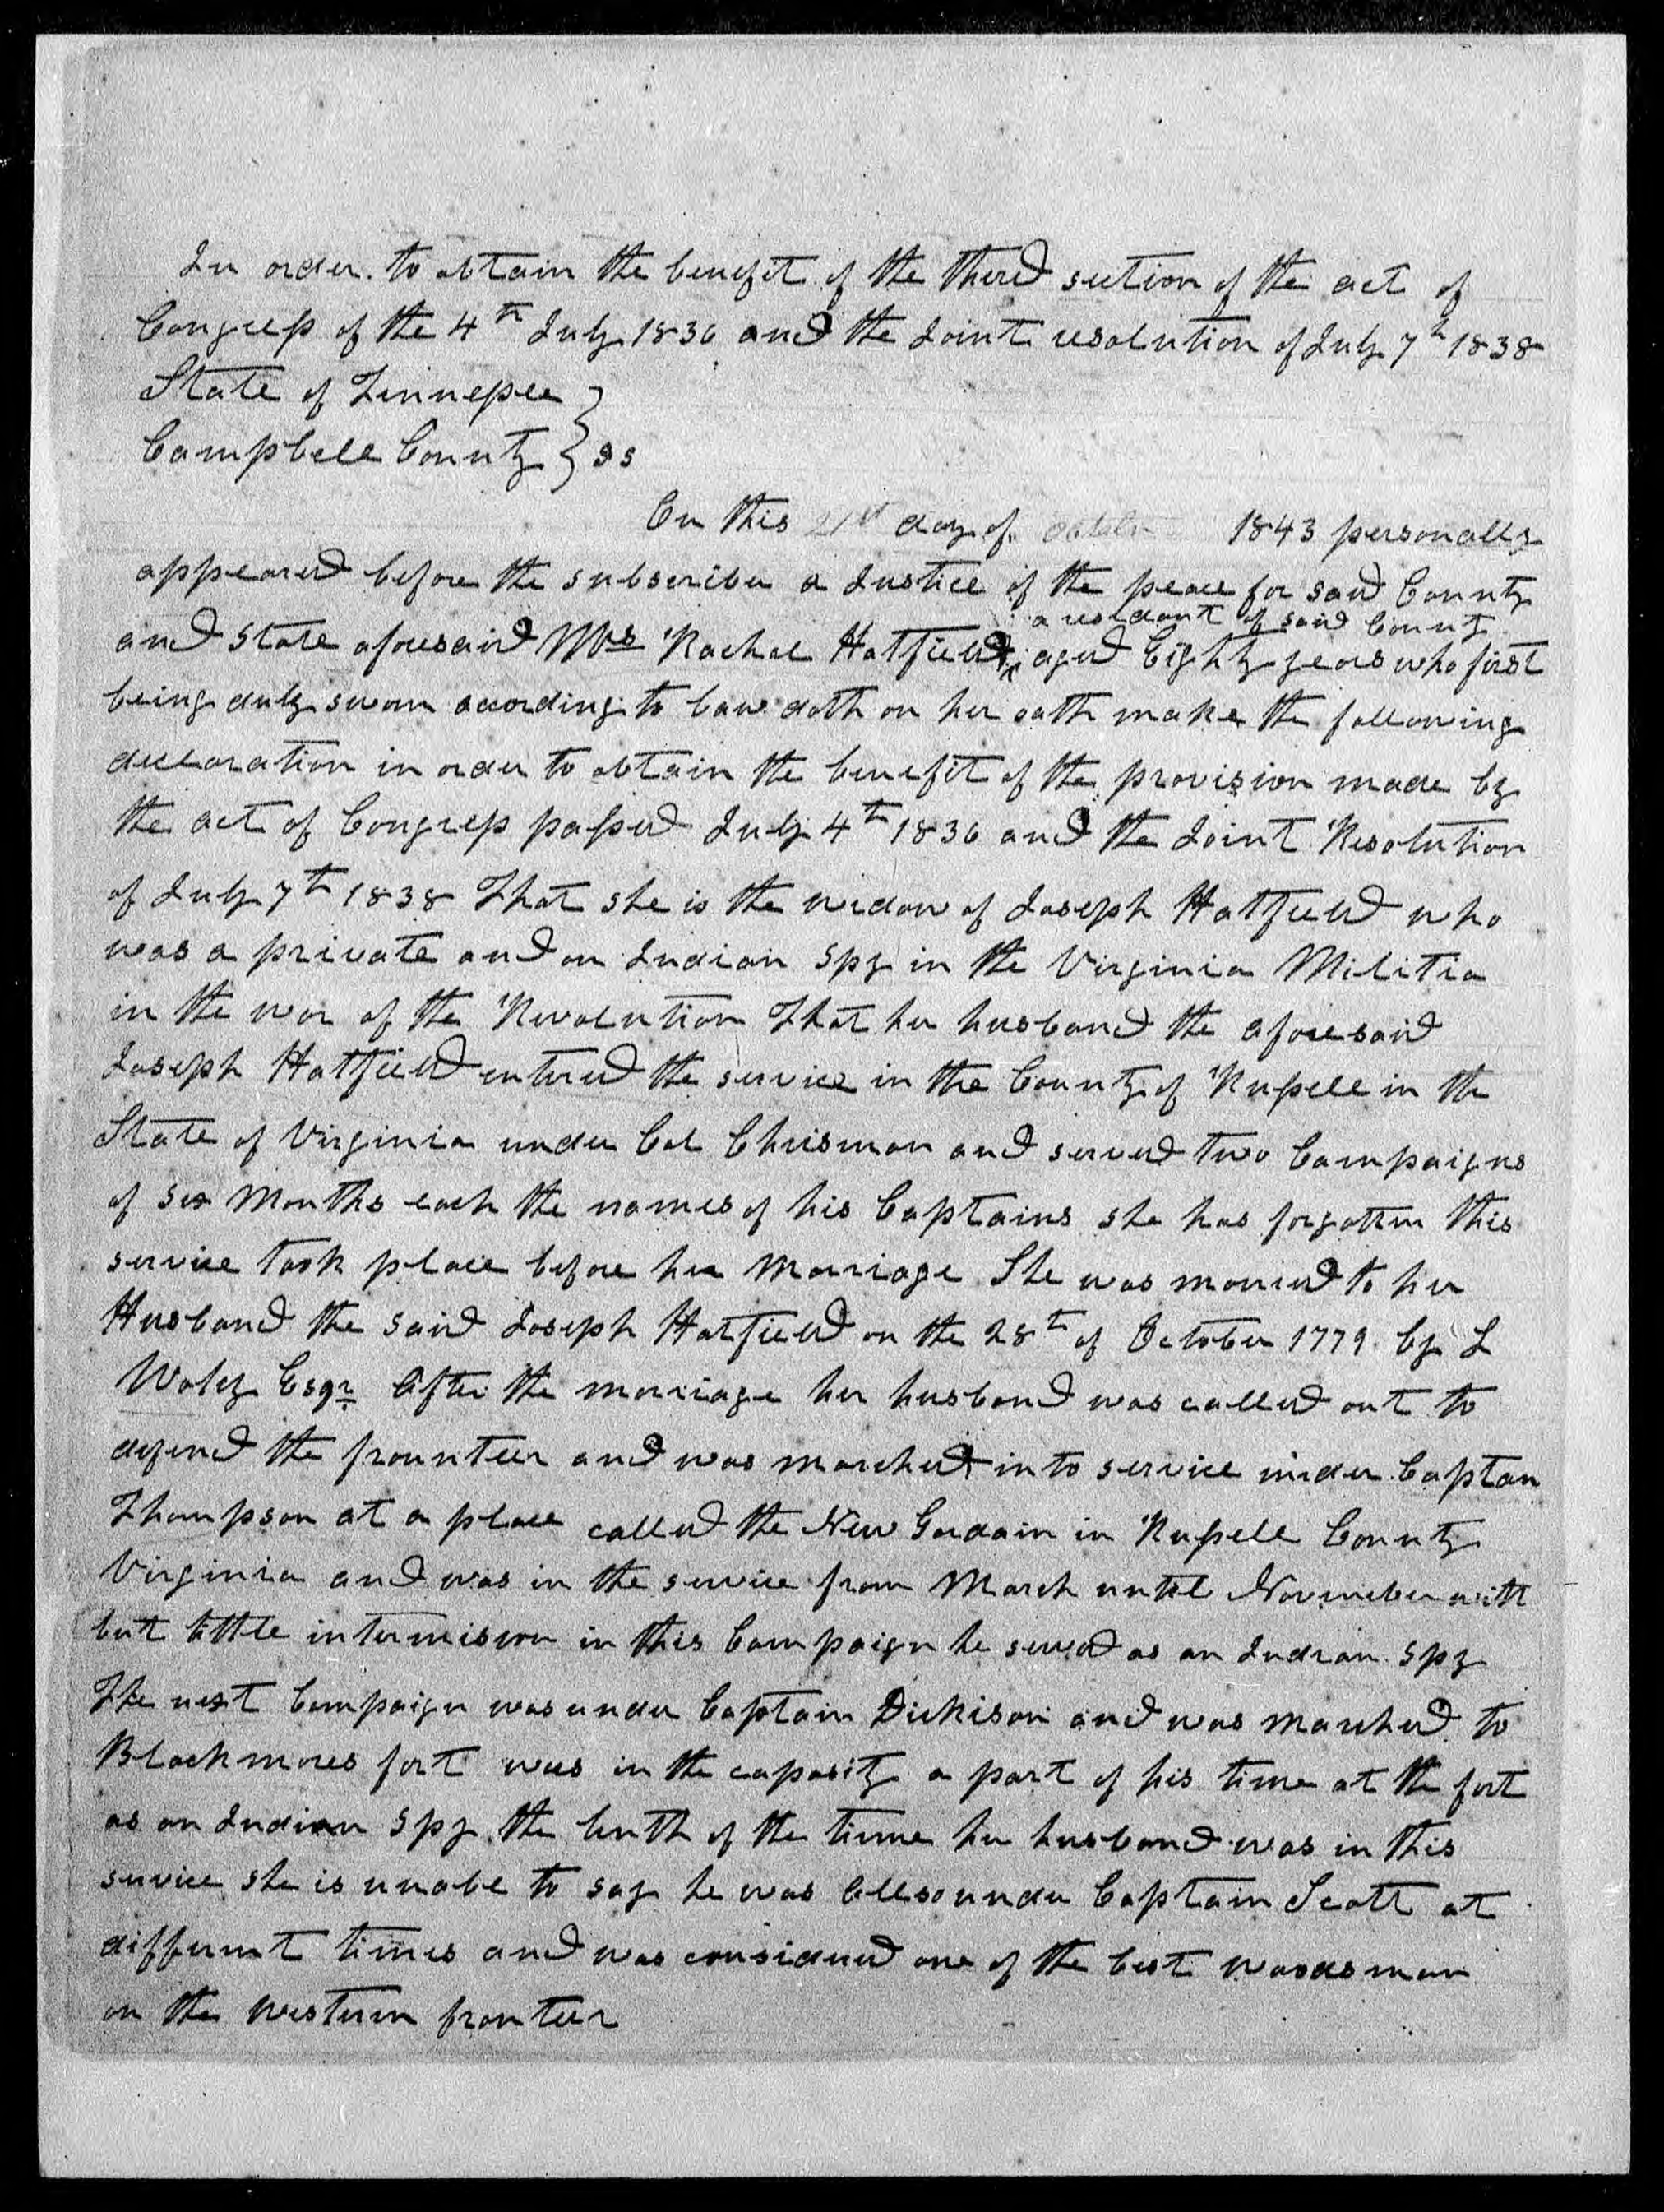In order to attain the benefit of the third section of the act of Congress of the 4th July 1836 and the Joint resolution of July 7th 1838. 

State of Tennessee } Campbell County } ss
On this 21st day of October 1843 personally appeared before the subscriber a Justice of the peace for said County and state aforesaid Mrs. Rachel Hatfield, a resident of said County, aged eighty years who first being duly sworn according to law doth on her oath make the following declaration in order to obtain the benefit of the provision made by the act of Congress passed July 4th 1836 and the Joint Resolution of July 7th 1838.

That she is the widow of Joseph Hatfield who was a private and an Indian spy in the Virginia Militia in the war of the Revolution. That her husband the aforesaid Joseph Hatfield entered the service in the County of Russell in the State of Virginia under Col. Chrisman and served two campaigns of six months each. The names of his Captains she has forgotten. This service took place before her marriage.
She was married to her Husband the said Joseph Hatfield on the 28th of October 1779 by L. Wolfe Esqr. After the marriage her husband was called out to defend the frontier and was marched into service under Captain Thompson at a place called the New Garden in Russell County Virginia and was in the service from March until November with but little intermission. In this campaign he served as an Indian spy.

The next campaign was under Captain Dickinson and was marched to Blackmores Fort was in the capacity a part of his time at the fort as an Indian spy. The lenth of the time her husband was in this service she is unable to say he was also under Captain Scott at different times and was considered one of the best woodsmen in the western frontier.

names: L Wolez, Rachal Hatfield, Joseph Hatfield, Chrisman, Thompson, Scott, Joseph Hatfield, Dickison, Joseph Hatfield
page: 4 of 74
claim: widow's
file: W. 5, Joseph Hatfield, Va.